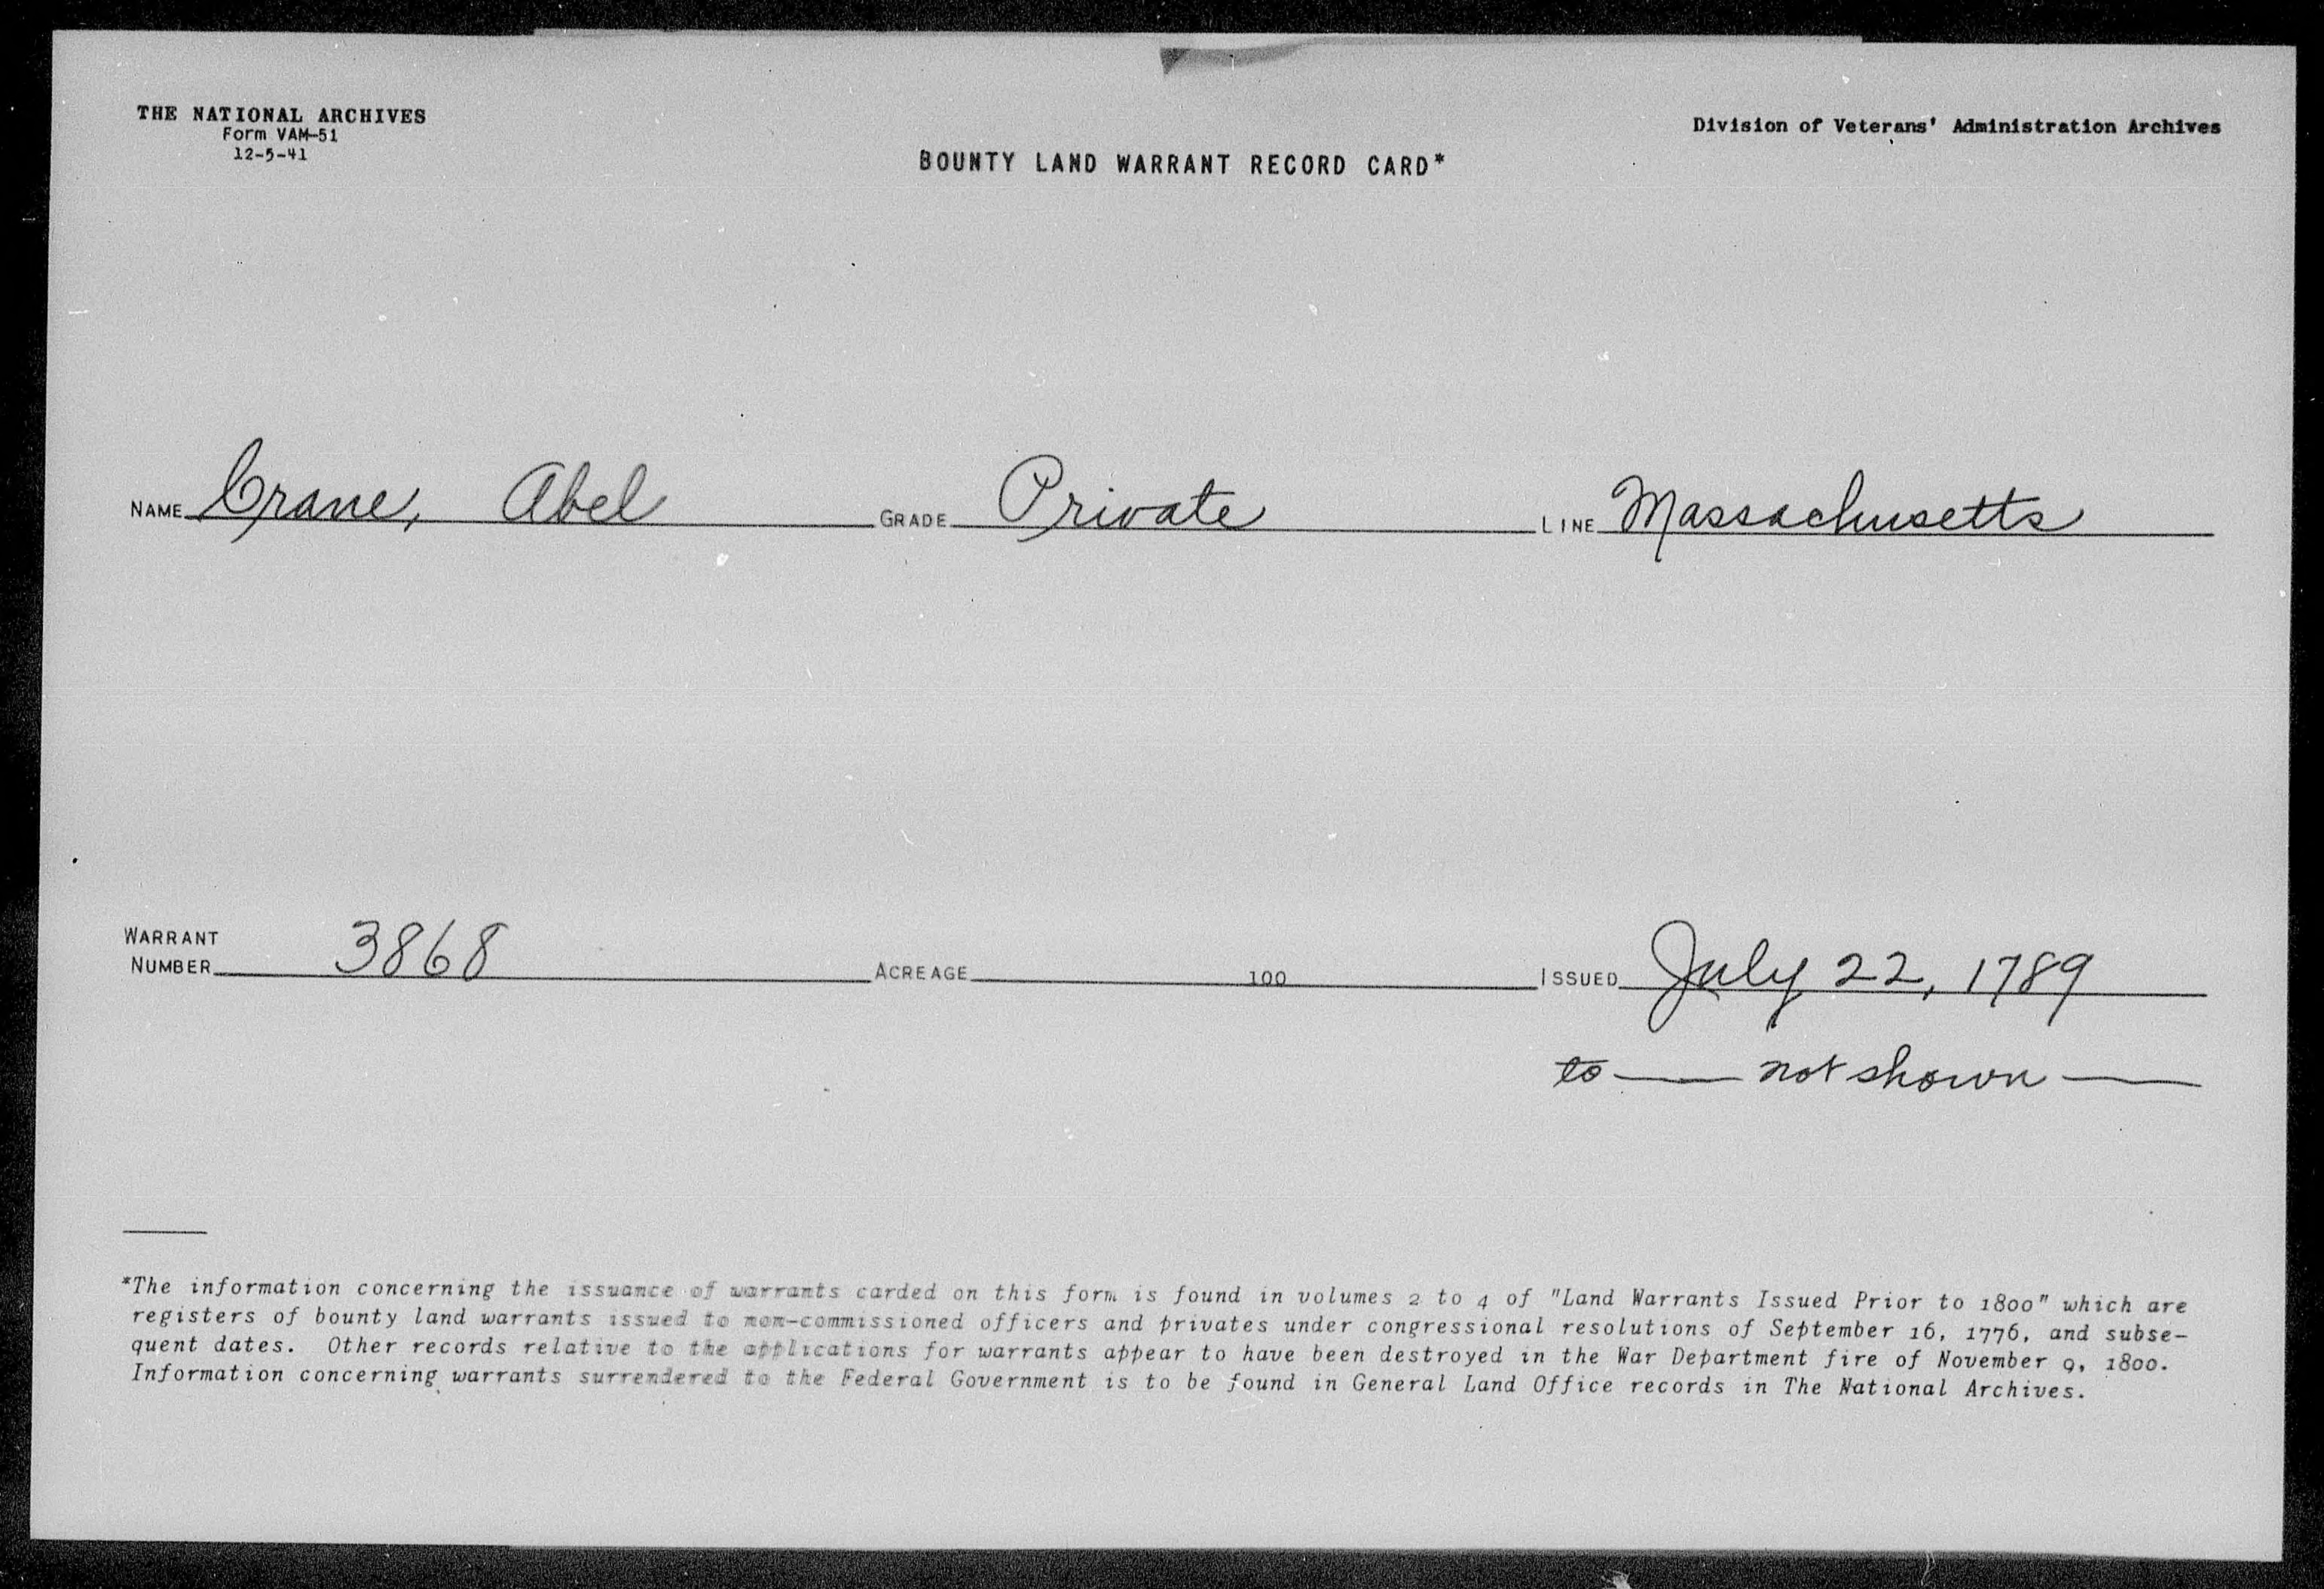THE NATIONAL ARCHIVES
FORM VAM - 51                                                                                                                                     Division of Veterans' Administration Archives
12 -5 - 41                                      BOUNTY LAND WARRANT RECORD CARD*



NAME    Crane, Abel                                                 GRADE    Private                                            LINE    Massachusetts



WARRANT
NUMMBER      3868                                                    ACRE AGE    100                                           ISSUED    July 22, 1789

                                                                                                                                                                      to ------- not shown -------



-----

* The information concerning the issuance of warants carded on this form is found in volume 2 to 4 of "Land Warrants Issued Prior to 1800" which are
registers of bounty land warrants issued to non - commissioned officers and privates under congressional resolutions of September 16, 1776, and subse -
quent dates.  Other recors relative to the appliation for warrants appear to have  been destroyed in the War Department fire of November 9, 1800.
Information concerning warrants surrendered to the Federal Government is to be found in General Land Office records in the Nation Archives.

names: Abel Crane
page: 32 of 32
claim: rejected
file: R. 2441, Aaron Crane, New Jersey